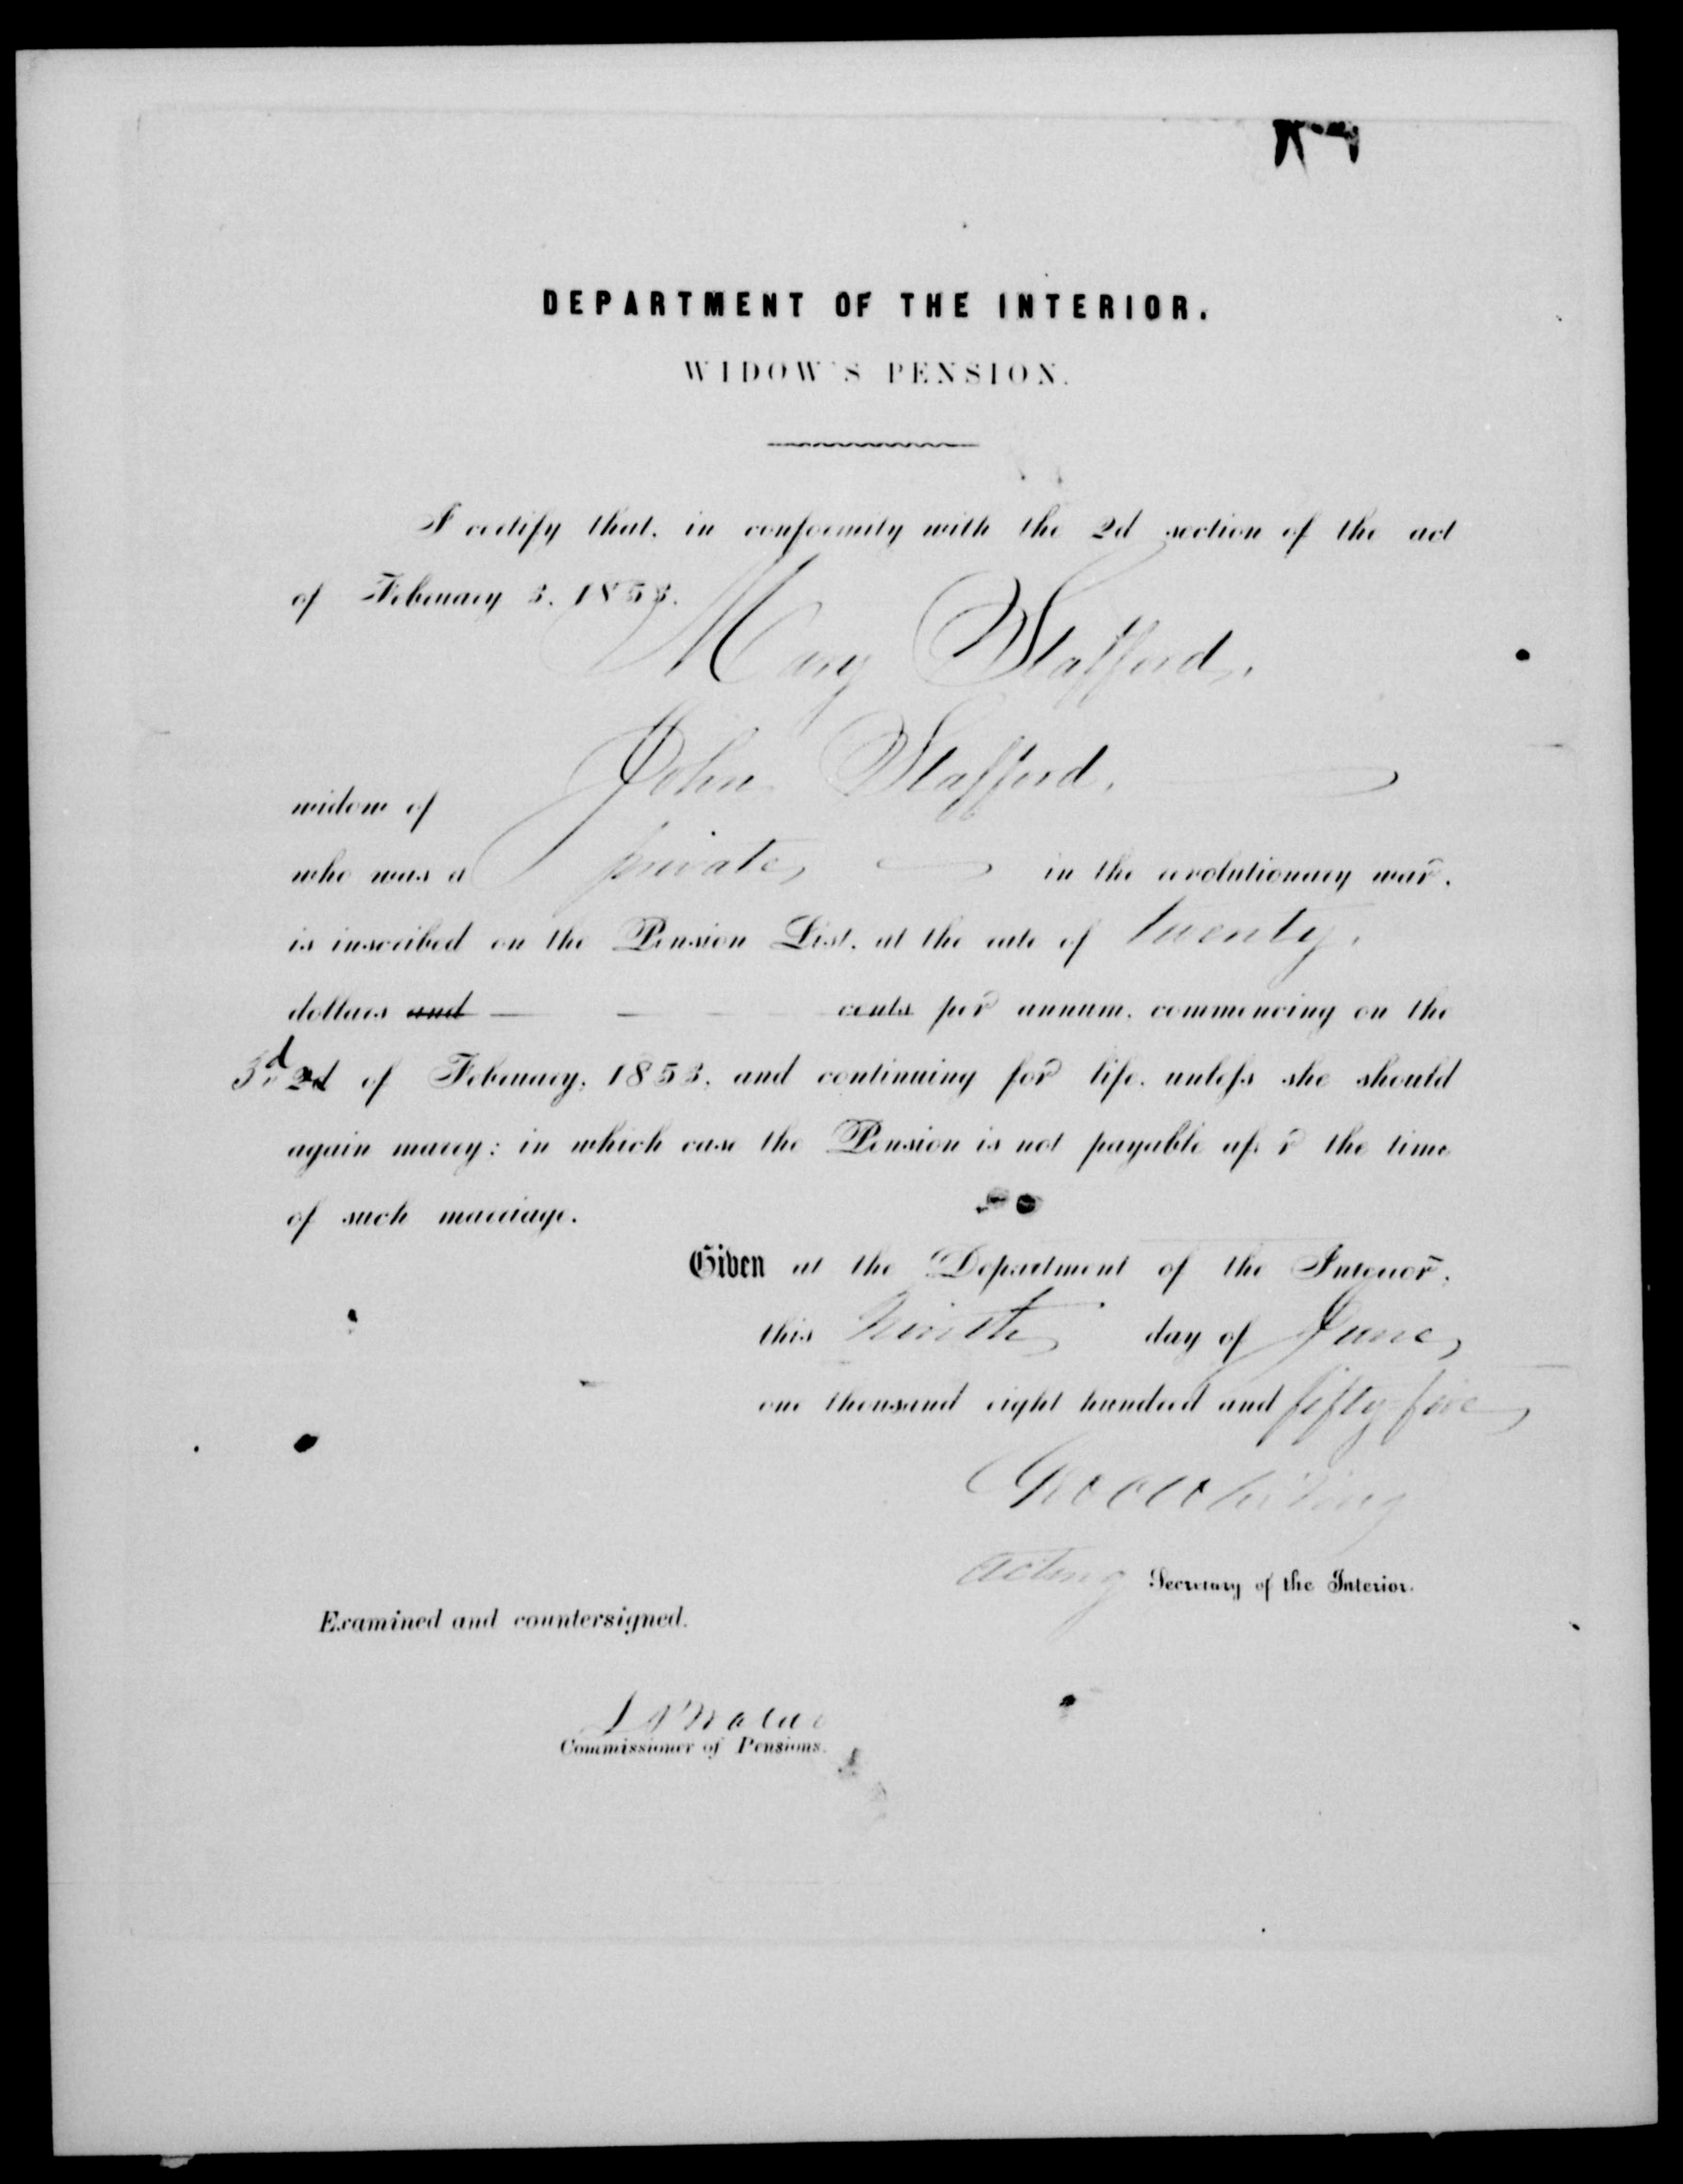DEPARTMENT OF THE INTERIOR.

WIDOW’S PENSION

——————

I certify that, in conformity with the 2d section of the act of February 3, 1853,
Mary Stafford
widow of John Stafford
who was a private
in the of revolutionary war, 
is inscribed on the Pension List, at the rate of twenty
dollars and -  -  -  -  cents per annum, commencing on the
3d 2d of February, 1853, and continuing for life unlefs she should
again marry: in which case the Pension is not payable upon the time
of such marriage.

	Given at the Department of the Interior
		this Ninth day of June,
		one thousand eight hundred and fifty five

			[name undecipherable]
			Acting Secretary of the Interior

Examined and countersigned.

[Name undecipherable]
Commissioner of Pensions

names: L P Waldo; Mary Stafford; John Stafford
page: 25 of 61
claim: widow's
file: W. 11554, for John Stafford, Maryland